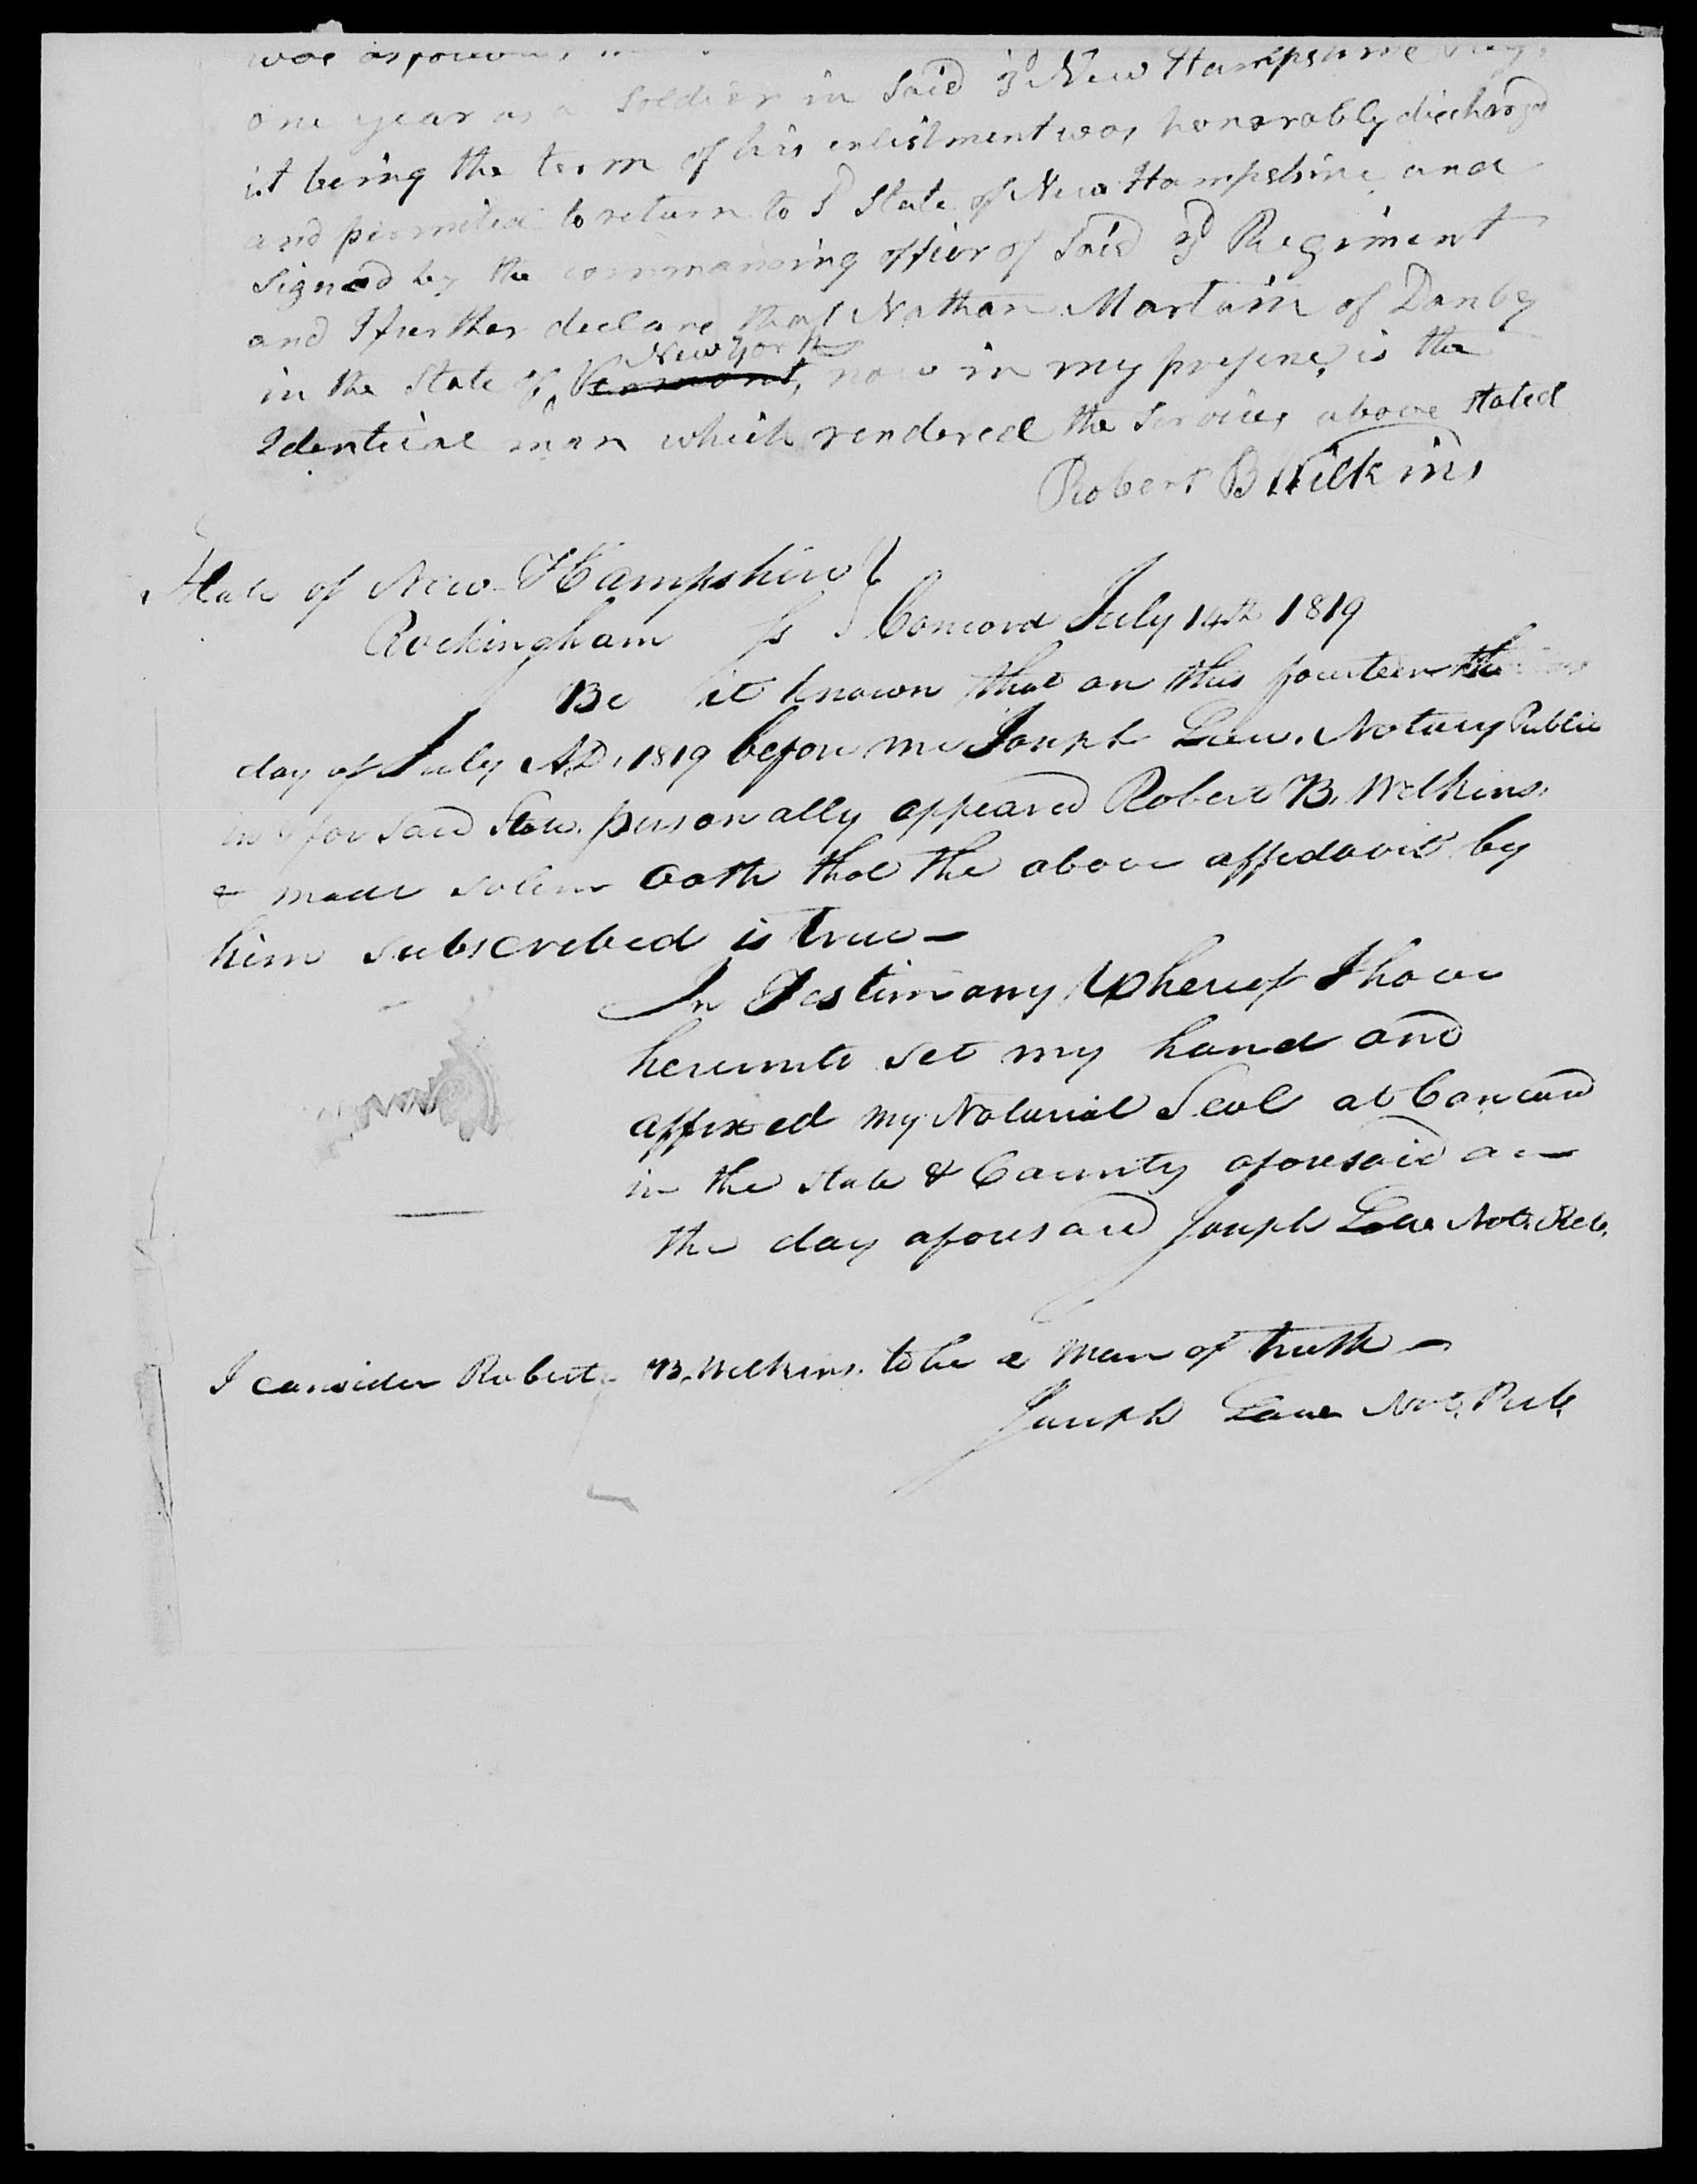one year as a Soldier in said 3d New Hampshire  company
it being the term of his enlistment was honorably discharged
and permited to return to sd State of New Hampshire and
signed by the commanding office of said 3d Regiment
and I further declare that Nathan Martin of Danby
in the State of Vt now in my presence, is the
Identical man which rendered the services above stated
[signature] Robert B Wilkins

State of New Hampshire
Rockingham
Concord July 14th 1819
Be it known that on this fourteen 
day of July AD. 1819 before me Joseph Lee Notary Public
in for said State, personally appeared Robert B. Wilkins
made solemn oath that the above affidavit by
him subscribed is true-
In Testimony whereof I have
hereunto set my hand and
affixed my Notarial Seal at Concord
in the State & County aforesaid
the day aforesaid Joseph Lowe Not R.
I consider Robert B. Wilkins to be a man of truth
[signature] Joseph Law Not. Pub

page: 30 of 30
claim: widow's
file: W. 23,904, for Nathan Martin, New Hampshire